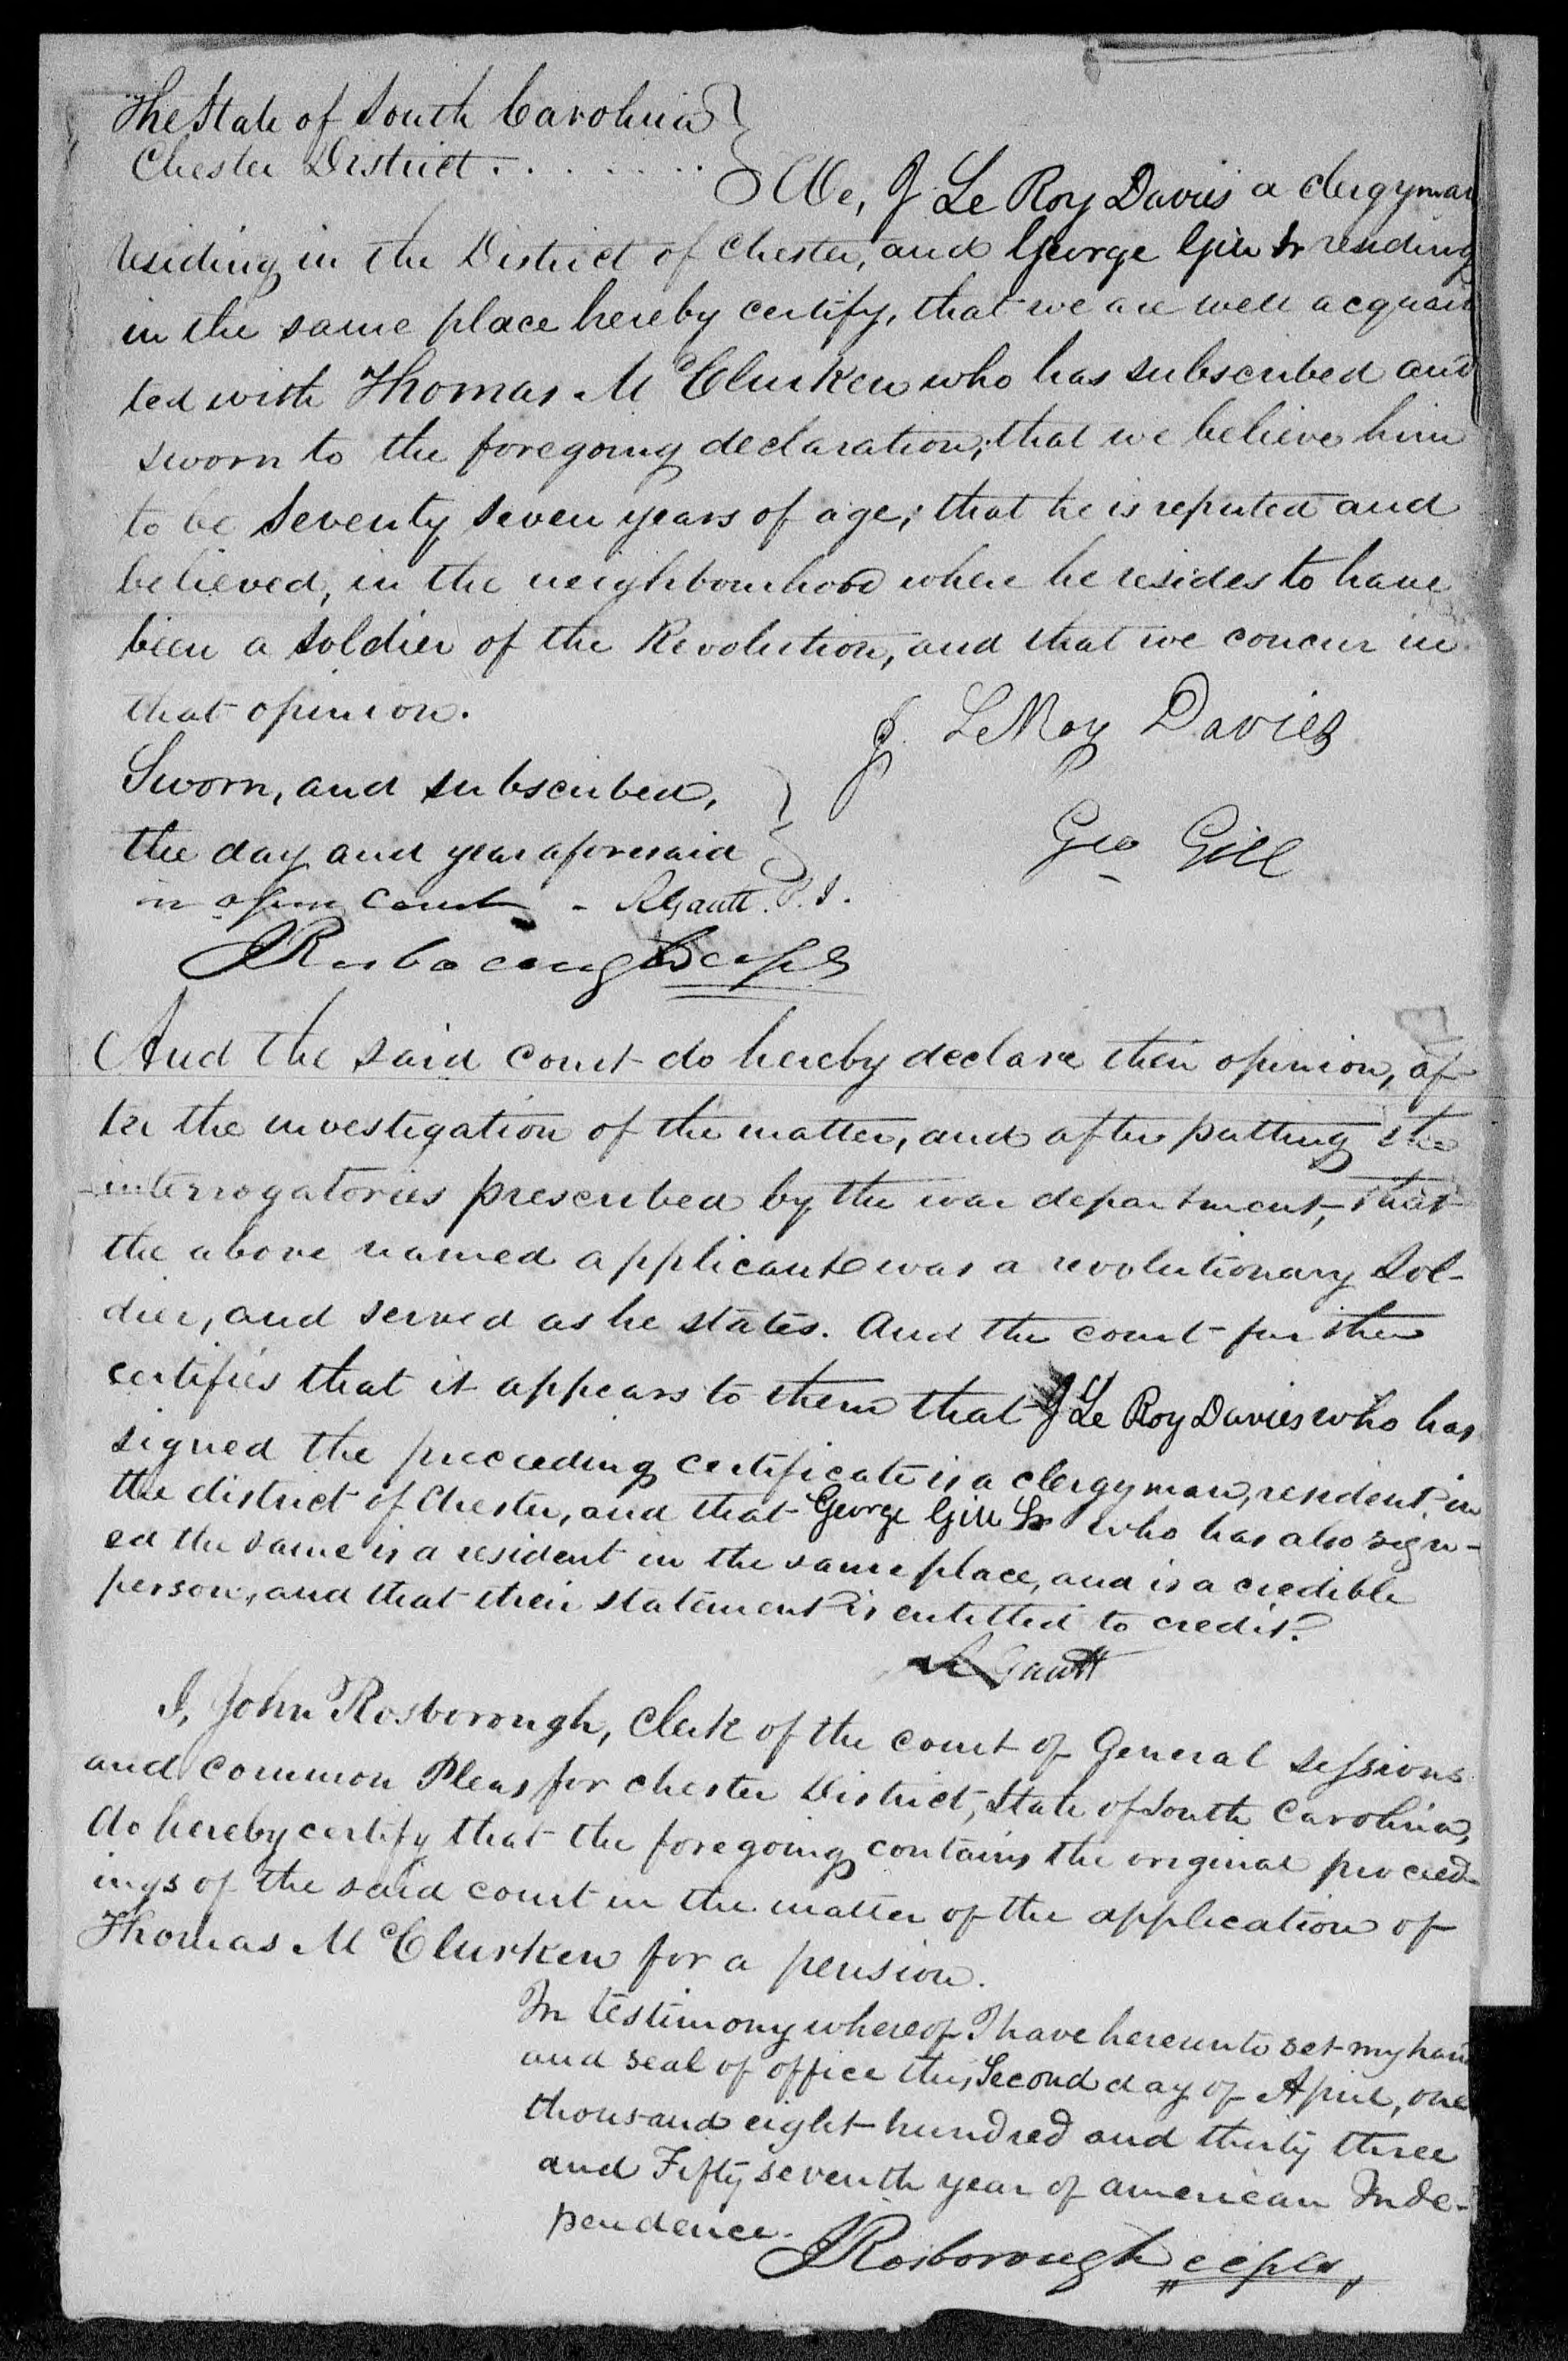The State of South Carolina}
Chester District.} 
We, J Le Roy Davis a clergyman residing in the District of Chester, and George Gill Jr. to residence in the same place hereby certify, that we are well acquainted with Thomas McClurken who has subscribed and sworn to the foregoing declaration, that we believe him to be seventy seven years of age; that he is reputed and believed, in the neighbourhood where he resides to have been a soldier of the Revolution, and that we concur in that opinion. 
Sworn and subscribed,}
 the day and year aforesaid} 
in open court}
J. Rosborough Clerk

J. LeRoy Davies 
Geo Gill

And the said Court do hereby declare their opinion, of to the investigation of the matter, and after putting the interrogatories prescribed by the war department, that the above named applicant was a revolutionary soldier, and served as he states. And the Court further certifies that it appears to them that Le Roy Davis who has signed the preceding certificate is a clergyman, resident in the district of Chester, and that George Gill Jr. who has also signed the same is a resident in the same place, and is a credible person, and that their statement is entitled to credit.
 S. Gant 

I, John Rosborough, Clerk of the Court of General Sessions and Common Pleas for Chester District, State of South Carolina do hereby certify that the foregoing contains the original proceedings of the said Court in the matter of the application of Thomas McClurken for a pension. 

In testimony whereof I have hereunto set my hand and seal of office this Second day of April, one thousand eight hundred and thirty three and Fifty seventh year of American Independence. 
JRosborough  Clerk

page: 13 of 93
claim: widow's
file: W. 21792, for Thomas Mc Clurken, South Carolina